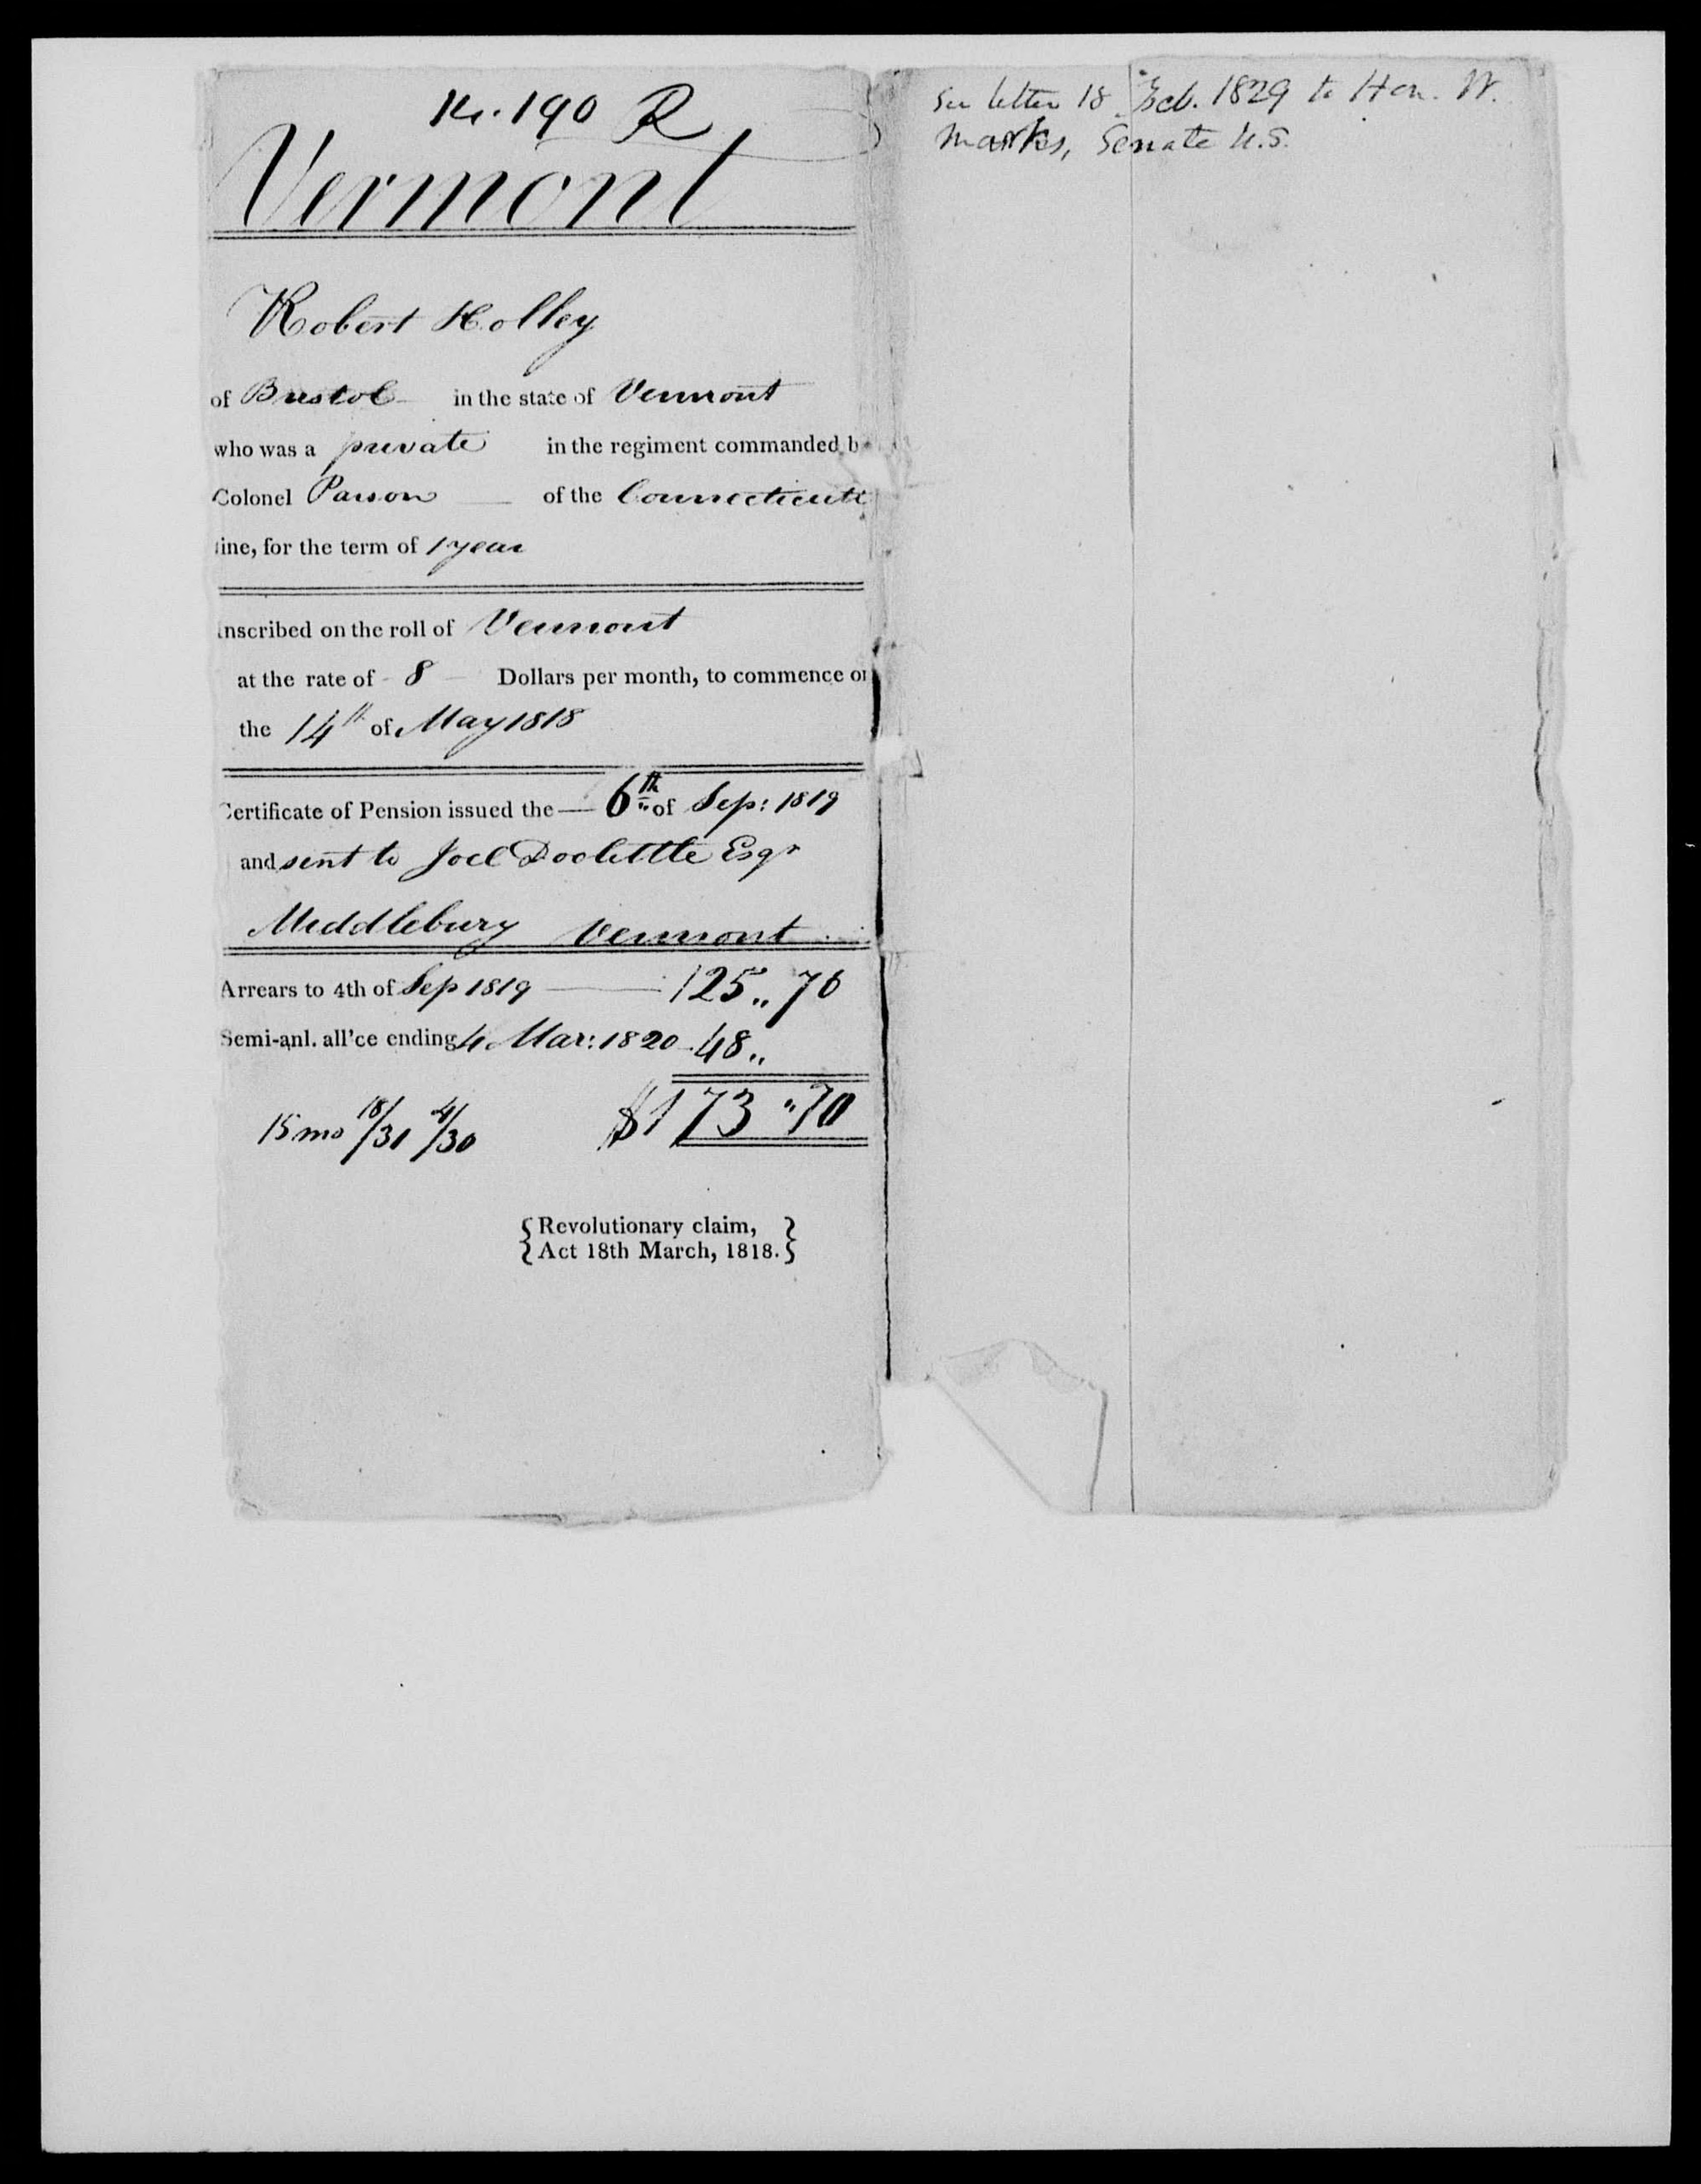14.190 R
Vermont
Robert Holley
of Bristol in the state of Vermont
who was a private in the regiment commanded by
Colonel Parson of the Connecticut
line, for the term of 1 year
inscribed on the roll of Vermont
at the rate of 8 Dollars per month, to commence on
the 14th of May 1818
Certificate of Pension issued the 6th of Sep, 1819
and sent to Joel Doolittle Esqr
Middlebury Vermont
Arrears to 4th of Sep 1819 -125, 76
Semi-anl. all'ce ending 4 Mar 1820 48
15 mo 18/31 4/30  $173.10
Revolutionary claim,
Act 18th March, 1818.

[right column]
See letter 18 Feb. 1829 to Hon. W.
Marks, Senate U.S.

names: Parson, Robert Holley, Joel Doolittle, W Marks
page: 18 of 62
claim: widow's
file: W. 21391, Robert Holley, Conn.